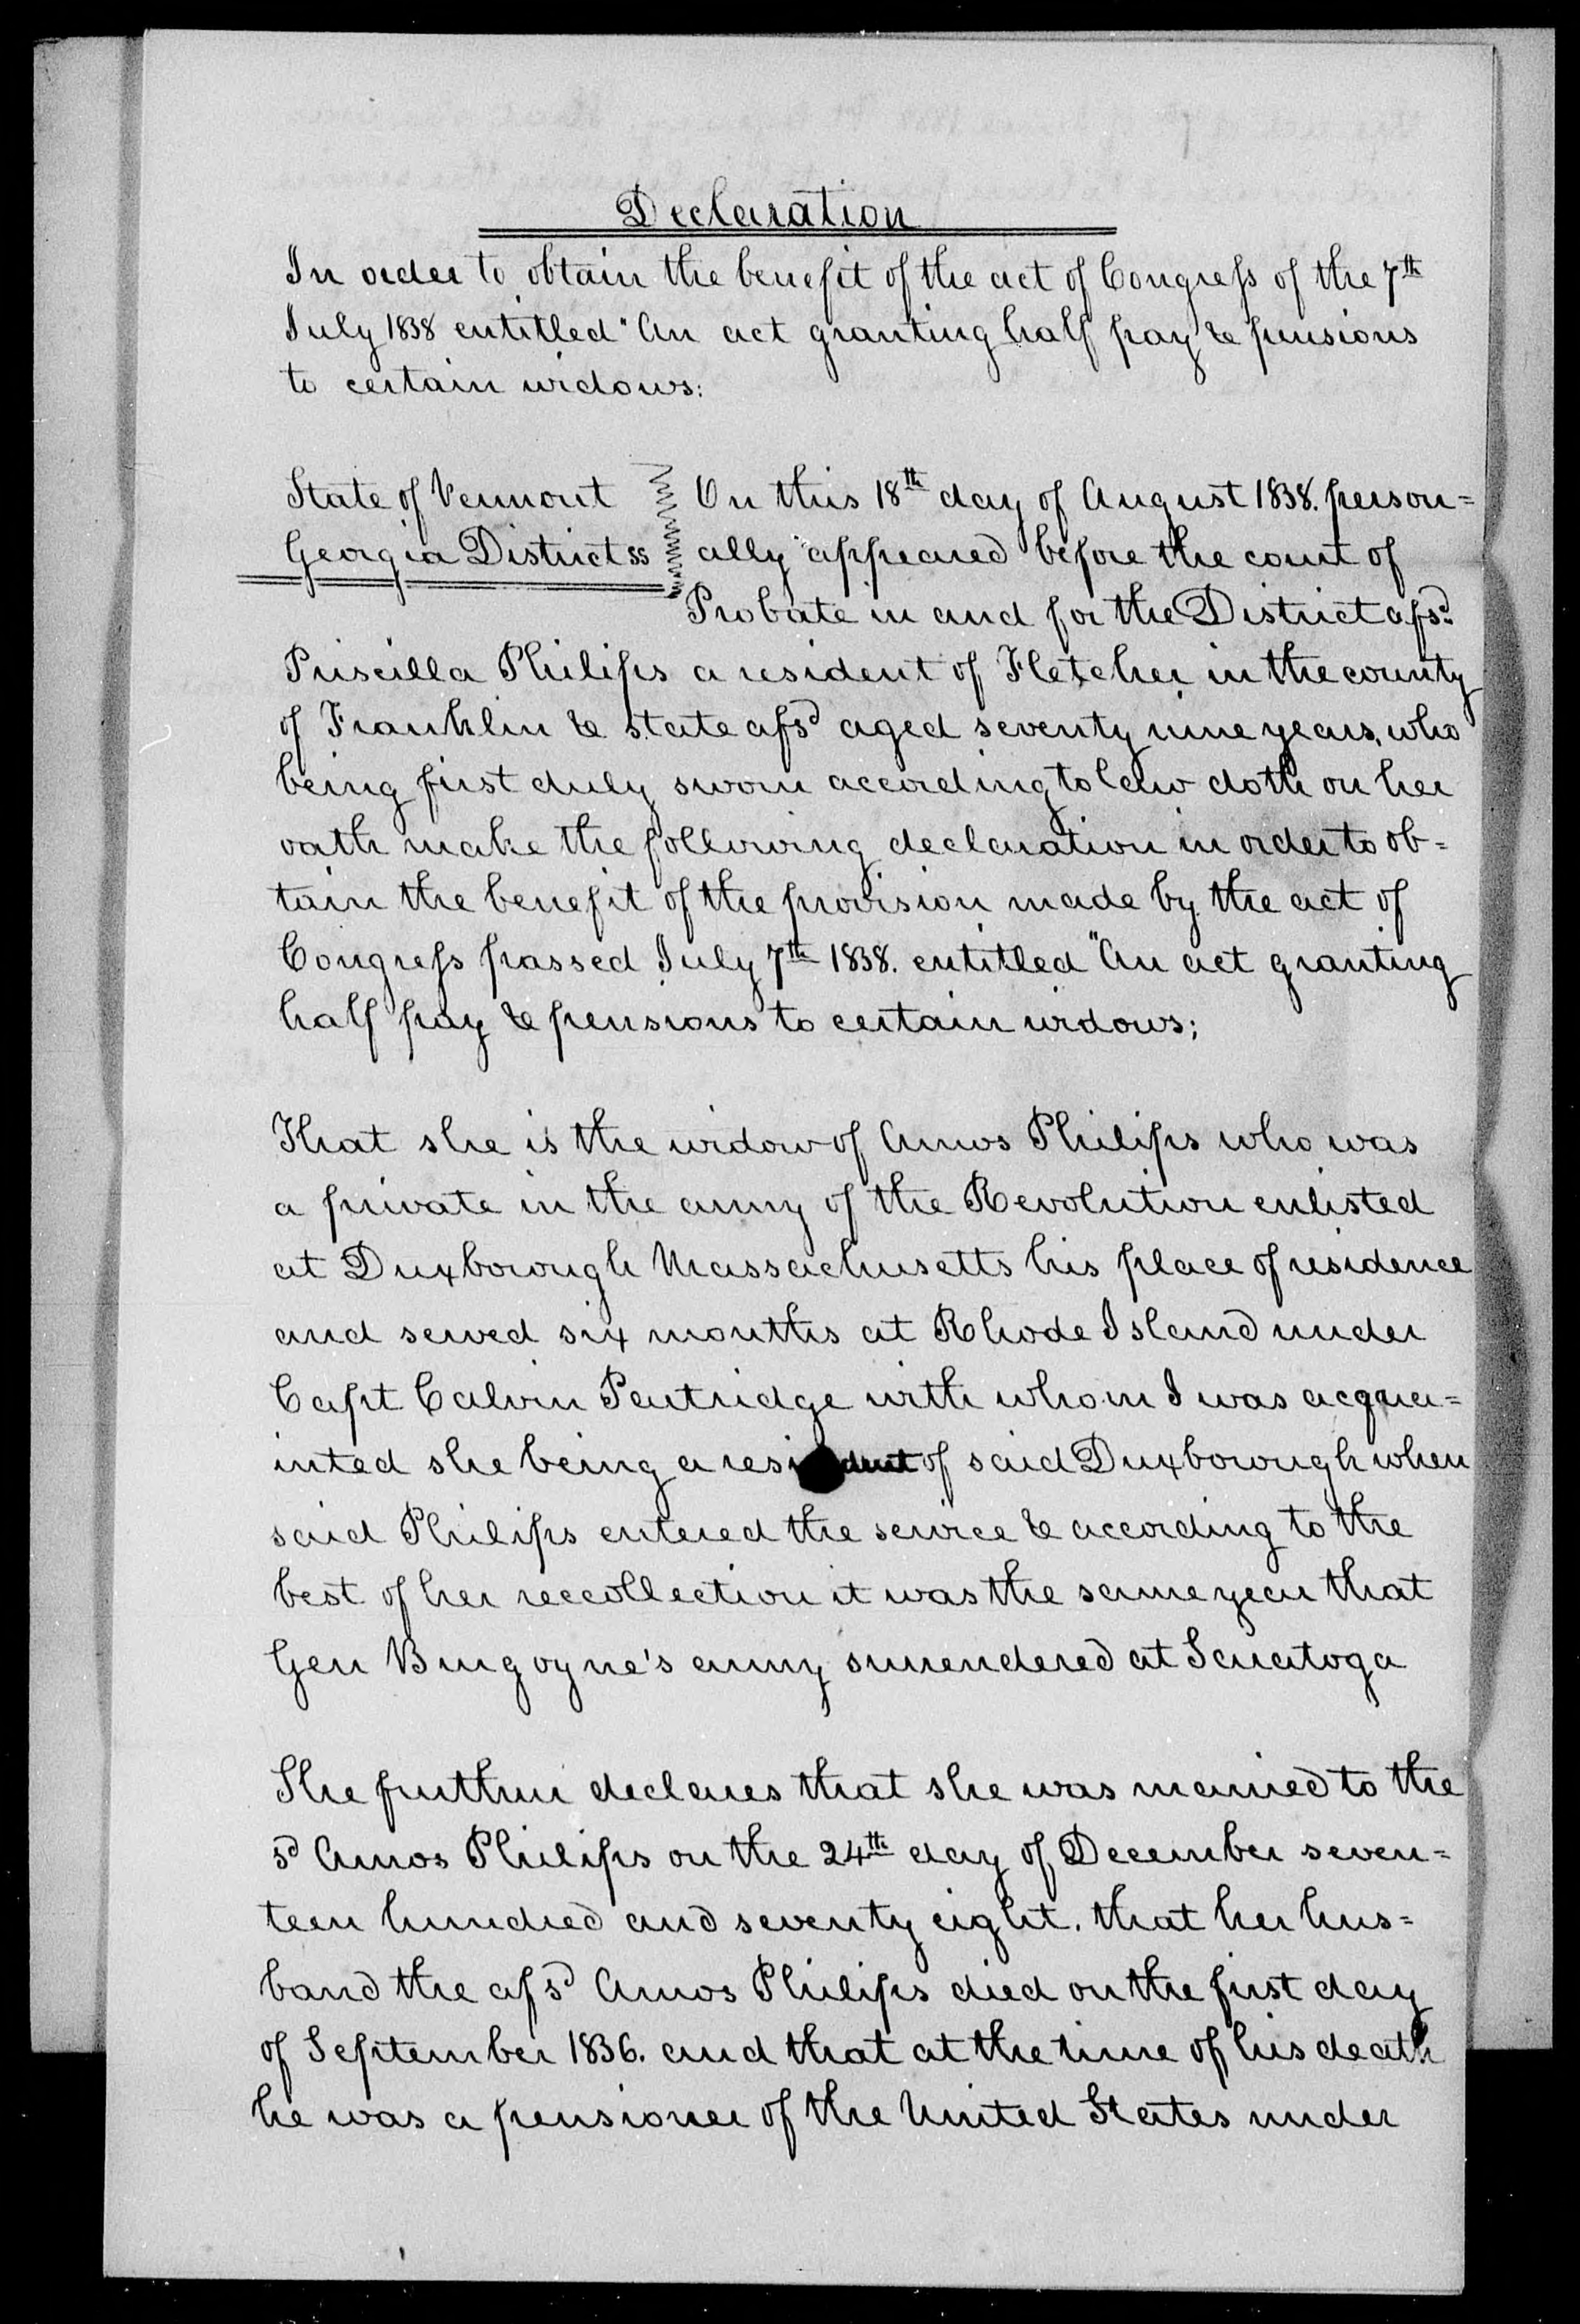Declaration
In order to obtain the benefit of the act of Congress of the 7th July 1838 entitled "An act granting half pay to pensions to certain widows: State of Vermont Georgia Districts ss On this 18th day of August 1838 personally appeared before the court of Probate in and for the District afsd Priscilla Philips a resident of Fletcher in the County of Franklin & State afsd aged seventy nine years, who being first duly sworn according to law doth on her oath make the following declaration in order to obtain the benefit of the provision made by the act of Congress passed July 7th 1838, entitled "An act granting half pay & pensions to certain widows; That she is the widow of Amos Philips who was a private in the army of the Revolution enlisted at Duxborough Massachusetts his place of residence and served six months at Rhode Island under Capt Calvin Partridge with whom I was acquainted she being a resident of said Duxborough when said Philips entered the service & according to the best of her recollection it was the same year that Gen Burgoyne's army surrendered at Saratoga She further declares that she was married to the sd Amos Phillips on the 24th day of December seventeen hundred and seventy eight, that her husband the afsd Amos Philips died on the first day of September 1836, and that at the time of his death he was a pensioner of the United States under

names: Calvin Partridge; Amos Philips; Priscilla Philips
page: 9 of 26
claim: widow's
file: W. 26,886, for Amos Phillips, Massachusetts